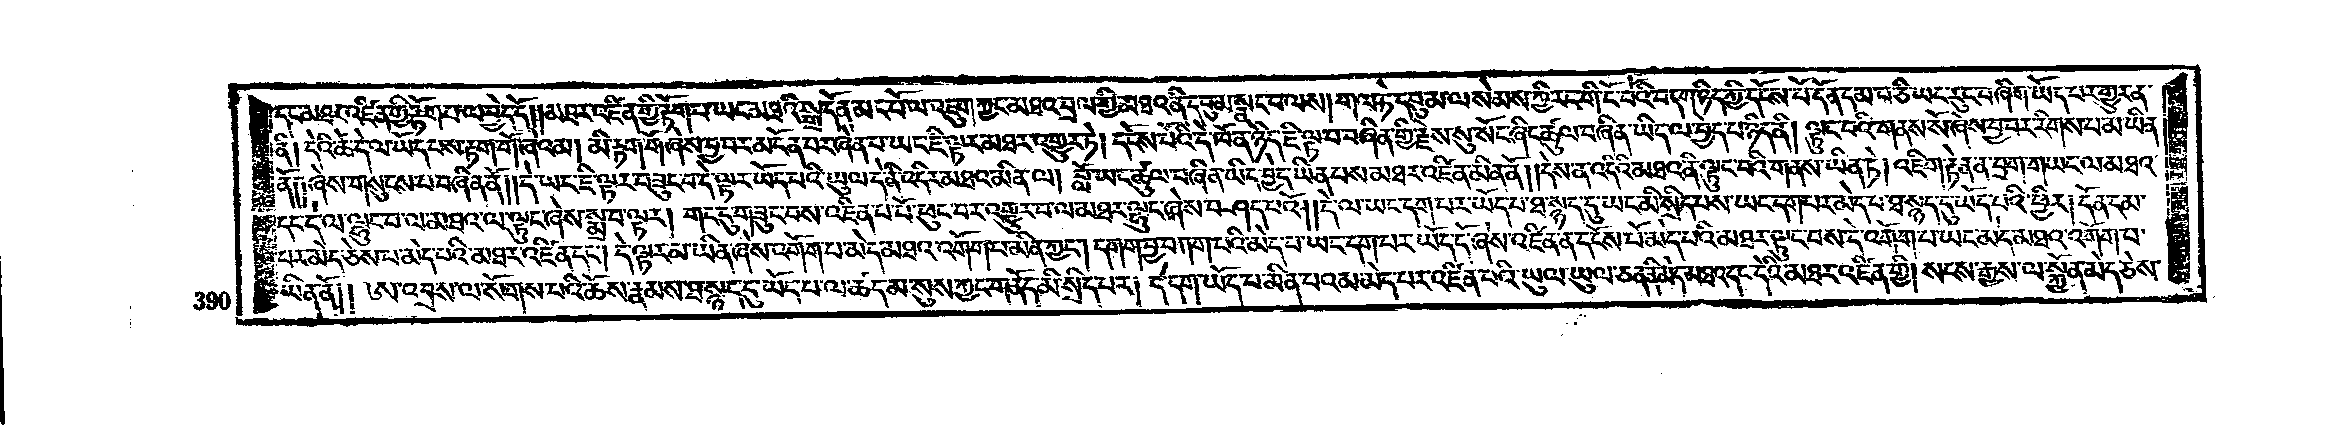དང་མཐར་འཛིན་གྱི་རྟོག་པ་ལ་བྱེད་དོ། །མཐར་འཛིན་གྱི་རྟོག་པ་ཡང་མཐའི་སྒྲ་དོན་མང་པོ་ལ་འཇུག་ཀྱང་མཐའ་བྲལ་གྱི་མཐའ་ནི་དབུ་མ་སྣང་བ་ལས། གལ་ཏེ་དབུ་མ་ལ་སེམས་ཀྱི་རང་གི་ངོ་བོའི་བདག་ཉིད་ཀྱི་དངོས་པོ་དོན་དམ་པ་ཅི་ཡང་རུང་བ་ཞིག་ཡོད་པར་གྱུར་ན་
ནི། དེའི་ཚེ་དེ་ལ་ཡོད་པས་རྟག་གོ་ཞེའམ། མི་རྟག་གོ་ཞེས་བྱ་བར་མངོན་པར་ཞེན་པ་ཡང་ཇི་ལྟར་མཐར་འགྱུར་ཏེ། དངོས་པོའི་དེ་ཁོ་ན་ཉིད་ཇི་ལྟ་བ་བཞིན་གྱི་རྗེས་སུ་སོང་ཞིང་ཚུལ་བཞིན་ཡིད་ལ་བྱེད་པ་ཉིད་ནི། ལྟུང་བའི་གནས་སོ་ཞེས་བྱ་བར་རིགས་པ་མ་ཡིན་
ནོ། །ཞེས་གསུངས་པ་བཞིན་ནོ། །དེ་ཡང་ཇི་ལྟར་བཟུང་བ་དེ་ལྟར་ཡོད་པའི་ཡུལ་དེ་ནི་འདིར་མཐའ་མིན་ལ། བློ་ཡང་ཚུལ་བཞིན་ཡིད་བྱེད་ཡིན་པས་མཐར་འཛིན་མིན་ནོ། །དེས་ན་འདིའི་མཐའ་ནི་ལྟུང་བའི་གནས་ཡིན་ཏེ། འཇིག་རྟེན་ན་བྲག་གཡང་ལ་མཐའ་
དང་དེ་ལ་ལྷུང་བ་ལ་མཐའ་ལ་ལྟུང་ཞེས་སྨྲ་བ་ལྟར། གང་དུ་གཟུང་བས་འཛིན་པ་པོ་ཕུང་བར་འགྱུར་བ་ལ་མཐར་ལྷུང་ཞེས་བཤད་པའོ། །དེ་ལ་ཡང་དག་པར་ཡོད་པ་ཐ་སྙད་དུ་ཡང་མི་སྲིད་པས་ཡང་དག་པར་མེད་པ་ཐ་སྙད་དུ་ཡོད་པའི་ཕྱིར། དོན་དམ་
པར་མེད་ཅེས་པ་མེད་པའི་མཐར་འཛིན་དང་། དེ་ལྟར་མ་ཡིན་ཞེས་འགོག་པ་མེད་མཐའ་འགོག་པ་མིན་ཀྱང་། དགག་བྱ་བཀག་པའི་མེད་པ་ཡང་དག་པར་ཡོད་དོ་ཞེས་འཛིན་ན་དངོས་པོ་མེད་པའི་མཐར་ལྟུང་བས་དེ་འགོག་པ་ཡང་མེད་མཐའ་འགོག་པ་
ཡིན་ནོ། །ལས་འབྲས་ལ་སོགས་པའི་ཆོས་རྣམས་ཐ་སྙད་དུ་ཡོད་པ་ལ་ཚད་མ་སུས་ཀྱང་གནོད་མི་སྲིད་པར། དེ་དག་ཡོད་པ་མིན་པའམ་མེད་པར་འཛིན་པའི་ཡུལ་ཡུལ་ཅན་ནི་མེད་མཐའ་དང་དེའི་མཐར་འཛིན་གྱི། སངས་རྒྱས་ལ་སྐྱོན་མེད་ཅེས་